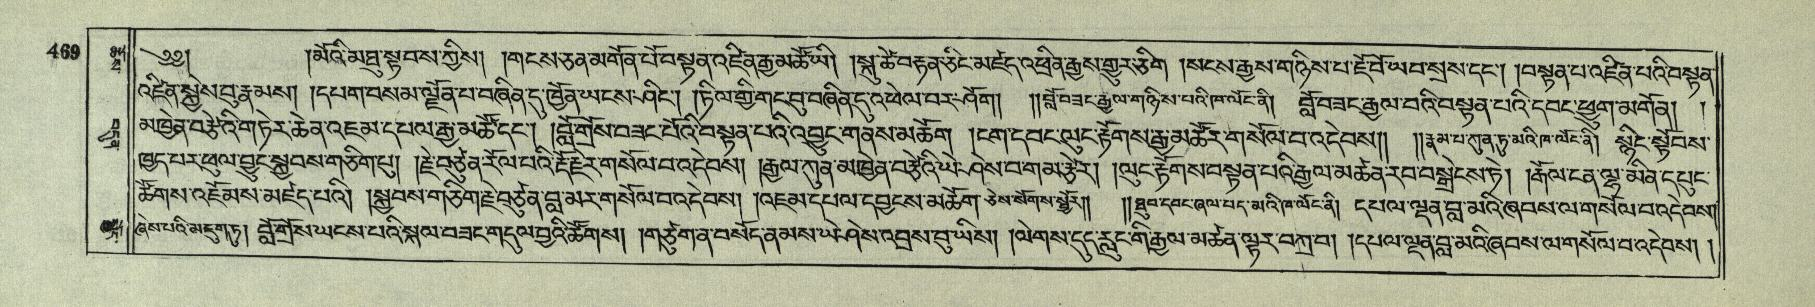༄༅། །མོའི་མཐུ་སྟབས་ཀྱིས། །གངས་ཅན་མགོན་པོ་བསྟན་འཛིན་རྒྱ་མཚོ་ཡི། །སྐུ་ཚེ་བརྟན་ཅིང་མཛད་འཕྲིན་རྒྱས་གྱུར་ཅིག །སངས་རྒྱས་གཉིས་པ་ཇོ་བོ་ཡབ་སྲས་དང་། །བསྟན་པ་འཛིན་པའི་བསྟན་
འཛིན་སྐྱེས་བུ་རྣམས། །དཔག་བསམ་ལྗོན་པ་བཞིན་དུ་ཁྱོན་ཡངས་ཤིང་། །ཏིལ་གྱི་གང་བུ་བཞིན་དུ་འཕེལ་བར་ཤོག། །།བློ་བཟང་རྒྱལ་གཉིས་པའི་ཁ་ལོང་ནི།  བློ་བཟང་རྒྱལ་བའི་བསྟན་པའི་དབང་ཕྱུག་མགོན། །
མཁྱེན་བརྩེའི་གཏེར་ཆེན་འཇམ་དཔལ་རྒྱ་མཚོ་དང་། །བློ་གྲོས་བཟང་པོའི་བསྟན་པའི་འབྱུང་གནས་མཆོག །ངག་དབང་ལུང་རྟོགས་རྒྱ་མཚོར་གསོལ་བ་འདེབས།། །།རྣམ་པ་ཀུན་ཏུ་མའི་ཁ་ལོང་ནི།  སྙིང་སྟོབས་
ཁྱད་པར་ཕུལ་བྱུང་སྐྱབས་གཅིག་པུ། །རྗེ་བཙུན་རོལ་པའི་རྡོ་རྗེར་གསོལ་བ་འདེབས། །རྒྱལ་ཀུན་མཁྱེན་བརྩེའི་ཡེ་ཤེས་བ་གམ་རྩེར། །ལུང་རྟོགས་བསྟན་པའི་རྒྱལ་མཚན་རབ་བསྒྲེངས་ཏེ། །རྒོལ་ངན་ལྷ་མིན་དཔུང་
ཚོགས་འཇོམས་མཛད་པའི། །སྐྱབས་གཅིག་རྗེ་བཙུན་བླ་མར་གསོལ་བ་འདེབས། །འཇམ་དཔལ་དབྱངས་མཆོག་ཅེས་སོགས་སྦྱོར།། །།ཐུབ་དབང་ཞལ་པད་མའི་ཁ་ལོང་ནི།  དཔལ་ལྡན་བླ་མའི་ཞབས་ལ་གསོལ་བ་འདེབས།
ཞེས་པའི་མཇུག་ཏུ།  བློ་གྲོས་ཡངས་པའི་སྐལ་བཟང་གདུལ་བྱའི་ཚོགས། །གཙུག་ན་བསོད་ནམས་ཡེ་ཤེས་འབྲས་བུ་ཡིས། །ལེགས་དུད་རླུང་གི་རྒྱལ་མཚན་ལྟར་བཀྲ་བ། །དཔལ་ལྡན་བླ་མའི་ཞབས་ལ་གསོལ་བ་འདེབས། །